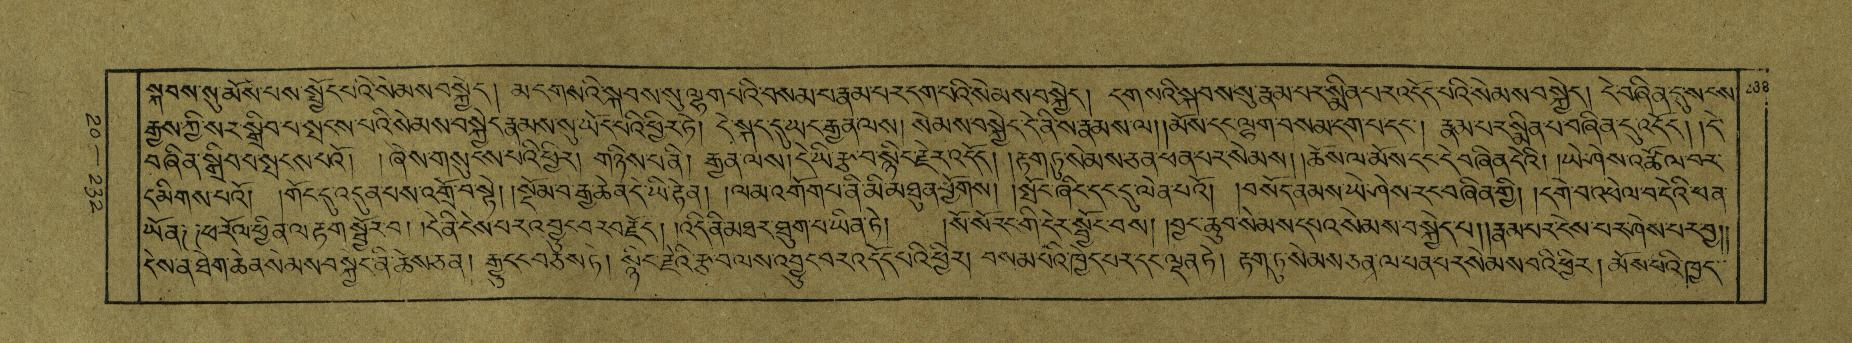སྐབས་སུ་མོས་པས་སྤྱོད་པའི་སེམས་བསྐྱེད། མ་དག་སའི་སྐབས་སུ་ལྷག་པའི་བསམ་པ་རྣམ་པར་དག་པའི་སེམས་བསྐྱེད། དག་སའི་སྐབས་སུ་རྣམ་པར་སྨིན་པར་འདོད་པའི་སེམས་བསྐྱེད། དེ་བཞིན་དུ་སངས་
རྒྱས་ཀྱི་སར་སྒྲིབ་པ་སྤངས་པའི་སེམས་བསྐྱེད་རྣམས་སུ་ཡོད་པའི་ཕྱིར་ཏེ། དེ་སྐད་དུ་ཡང་རྒྱན་ལས། སེམས་བསྐྱེད་དེ་ནི་ས་རྣམས་ལ། །མོས་དང་ལྷག་བསམ་དག་པ་དང་། རྣམ་པར་སྨིན་པ་བཞིན་དུ་འདོད། །དེ་
བཞིན་སྒྲིབ་པ་སྤངས་པའོ། །ཞེས་གསུངས་པའི་ཕྱིར། གཉིས་པ་ནི། རྒྱན་ལས། དེ་ཡི་རྩ་བ་སྙིང་རྗེར་འདོད། །རྟག་ཏུ་སེམས་ཅན་ཕན་པར་སེམས། །ཆོས་ལ་མོས་དང་དེ་བཞིན་དེའི། །ཡེ་ཤེས་འཚོལ་བར་
དམིགས་པའོ། །གོང་དུ་འདུན་པས་འགྲོ་བ་སྟེ། །སྡོམ་བ་རྒྱ་ཆེན་དེ་ཡི་རྟེན། །ལམ་འགོག་པ་ནི་མི་མཐུན་ཕྱོགས། །སྤོང་ཞིང་དང་དུ་ལེན་པའོ། །བསོད་ནམས་ཡེ་ཤེས་རང་བཞིན་གྱི། །དགེ་བ་འཕེལ་བ་དེའི་ཕན་
ཡོན༑ ༑ཕ་རོལ་ཕྱིན་ལ་རྟག་སྦྱོར་བ། །དེ་ནི་ངེས་པར་འབྱུང་བར་བརྗོད། །འདི་ནི་མཐར་ཐུག་པ་ཡིན་ཏེ། །སོ་སོ་རང་གི་དེར་སྦྱོང་བས། །བྱང་ཆུབ་སེམས་དཔའ་སེམས་བསྐྱེད་པ། །རྣམ་པར་ངེས་པར་ཤེས་པར་བྱ། །
དེས་ན་ཐེག་ཆེན་སེམས་བསྐྱེད་ནི་ཆོས་ཅན། རྒྱུ་དང་བཅས་ཏེ། སྙིང་རྗེའི་རྩ་བ་ལས་འབྱུང་བར་འདོད་པའི་ཕྱིར། བསམ་པའི་ཁྱེད་པར་དང་ལྡན་ཏེ། རྟག་ཏུ་སེམས་ཅན་ལ་ཕན་པར་སེམས་བའི་ཕྱིར། མོས་པའི་ཁྱད་